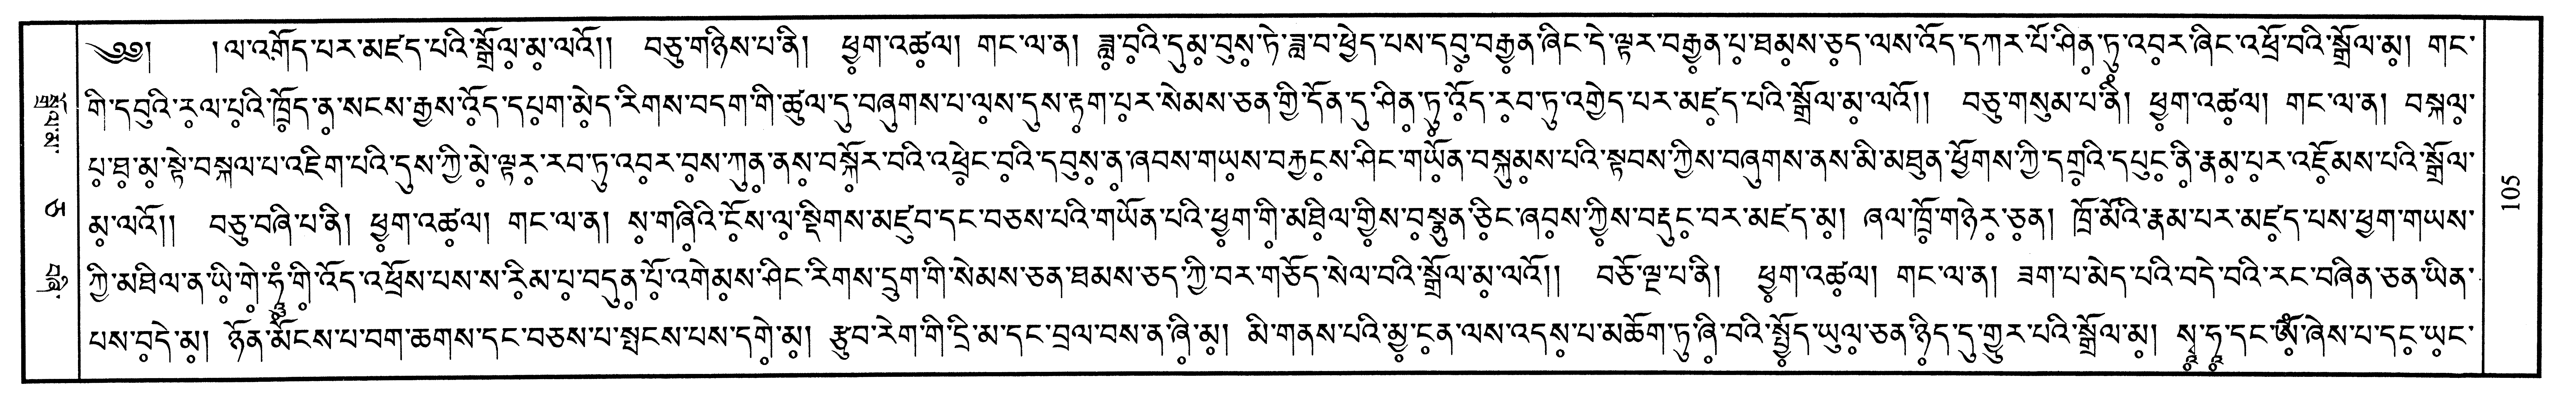༄༅། །ལ་འགོད་པར་མཛད་པའི་སྒྲོལ་མ་ལའོ།། བཅུ་གཉིས་པ་ནི། ཕྱག་འཚལ། གང་ལ་ན། ཟླ་བའི་དུམ་བུས་ཏེ་ཟླ་བ་ཕྱེད་པས་དབུ་བརྒྱན་ཞིང་དེ་ལྟར་བརྒྱན་པ་ཐམས་ཅད་ལས་འོད་དཀར་པོ་ཤིན་ཏུ་འབར་ཞིང་འཕྲོ་བའི་སྒྲོལ་མ། གང་
གི་དབུའི་རལ་པའི་ཁྲོད་ན་སངས་རྒྱས་འོད་དཔག་མེད་རིགས་བདག་གི་ཚུལ་དུ་བཞུགས་པ་ལས་དུས་རྟག་པར་སེམས་ཅན་གྱི་དོན་དུ་ཤིན་ཏུ་འོད་རབ་ཏུ་འགྱེད་པར་མཛད་པའི་སྒྲོལ་མ་ལའོ།། བཅུ་གསུམ་པ་ནི། ཕྱག་འཚལ། གང་ལ་ན། བསྐལ་
པ་ཐ་མ་སྟེ་བསྐལ་པ་འཇིག་པའི་དུས་ཀྱི་མེ་ལྟར་རབ་ཏུ་འབར་བས་ཀུན་ནས་བསྐོར་བའི་འཕྲེང་བའི་དབུས་ན་ཞབས་གཡས་བརྐྱངས་ཤིང་གཡོན་བསྐུམས་པའི་སྟབས་ཀྱིས་བཞུགས་ནས་མི་མཐུན་ཕྱོགས་ཀྱི་དགྲའི་དཔུང་ནི་རྣམ་པར་འཇོམས་པའི་སྒྲོལ་
མ་ལའོ།། བཅུ་བཞི་པ་ནི། ཕྱག་འཚལ། གང་ལ་ན། ས་གཞིའི་ངོས་ལ་སྡིགས་མཛུབ་དང་བཅས་པའི་གཡོན་པའི་ཕྱག་གི་མཐིལ་གྱིས་བསྣུན་ཅིང་ཞབས་ཀྱིས་བརྡུང་བར་མཛད་མ། ཞལ་ཁྲོ་གཉེར་ཅན། ཁྲོ་མོའི་རྣམ་པར་མཛད་པས་ཕྱག་གཡས་
ཀྱི་མཐིལ་ན་ཡི་གེ་ཧཱུཾ་གི་འོད་འཕྲོས་པས་ས་རིམ་པ་བདུན་པོ་འགེམས་ཤིང་རིགས་དྲུག་གི་སེམས་ཅན་ཐམས་ཅད་ཀྱི་བར་གཅོད་སེལ་བའི་སྒྲོལ་མ་ལའོ།། བཅོ་ལྔ་པ་ནི། ཕྱག་འཚལ། གང་ལ་ན། ཟག་པ་མེད་པའི་བདེ་བའི་རང་བཞིན་ཅན་ཡིན་
པས་བདེ་མ། ཉོན་མོངས་པ་བག་ཆགས་དང་བཅས་པ་སྤངས་པས་དགེ་མ། རྩུབ་རེག་གི་དྲི་མ་དང་བྲལ་བས་ན་ཞི་མ། མི་གནས་པའི་མྱ་ངན་ལས་འདས་པ་མཆོག་ཏུ་ཞི་བའི་སྤྱོད་ཡུལ་ཅན་ཉིད་དུ་གྱུར་པའི་སྒྲོལ་མ། སྭཱ་ཧཱ་དང་ཨོཾ་ཞེས་པ་དང་ཡང་